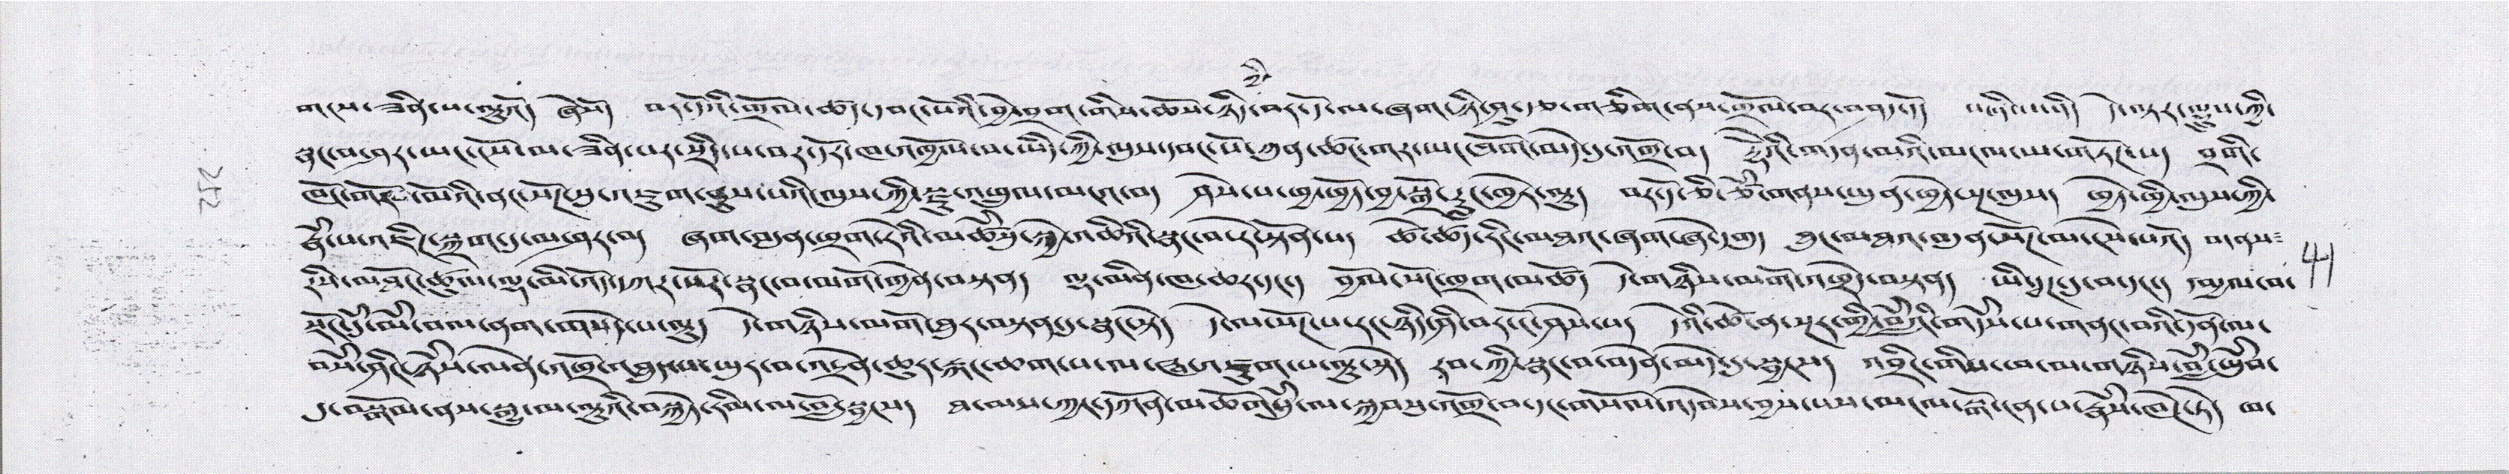གངས་ཟིན་པ་ལྟ་བུའོ། ཞེས་སོ། བར་དོའི་གྲོལ་ཚད་དབང་པོའི་བྱེ་བྲག་གིས་ཆོས་ཉིད་ཀྱི་བར་དོ་ལ་ཞག་ཉི་ཤུ་རྩ་གཅིག་ནས་གྲོལ་བར་བཤད་དོ། བཞི་པ་ནི། དེ་ལྟར་ལྷུན་གྲུབ་ཀྱི་
སྣང་བ་ཤར་ཡང་ངོས་མ་ཟིན་པར་སྲིད་པ་བར་དོར་ཁ་འཁྱོལ་བ་ཡིད་ཀྱི་ལུས་དབང་པོ་ཀུན་ཚང་གར་ཡང་ཐོག་མེད་དུ་འགྲོ་བ། རྡོ་རྗེ་གདན་མའི་མངལ་མ་གཏོགས་པ། བྲག་གི་
ཁོང་གོར་མོའི་ནང་སོགས་སུ་འཇུག་ནུས་པའི་ལུས་ཀྱི་རྫུ་འཕྲུལ་མངའ་བ། ཤེས་པ་ཕྱ་ཕྱོད་བྱ་སྒྲོ་རླུང་ཁྱེར་ལྟ་བུ། བར་དོ་ཅི་ཙམ་གནས་ཡུན་བྱེད་སྔ་ལུས། ཕྱེད་ཕྱི་ལུས་ཀྱི་
རྣམ་པ་འཇིགས་སྐྲག་དུ་མ་ཤར་བ། ཞག་བདུན་ཕྲག་རེའི་མཚམས་སུ་སྐྱེ་འཆིའི་སྣང་བ་རེ་སྟོན་པ། ཚེ་ཚད་རིང་མཐའ་ཞག་ཞེ་དགུ། ཐུང་མཐའ་བདུན་སོགས་མ་ངེས་པའོ། གནས་
རིས་མཐོང་ཚུལ་ལྷ་མི་འོད་དཀར་པོར་སྣང་བ་མགོ་གྱེན་བསྟན། ལྷ་མིན་ཁ་ཆར་དང། བྱོལ་སོང་ཁྲག་མཚོ། དེ་གཉིས་མགོ་འཕྲེད་བསྟན། ཡི་དྭགས་དུ་བ་དང། དམྱལ་བ་
སྡོང་དུམ་མམ་བལ་ནག་གསོད་པ་ལྟ་བུ། དེ་གཉིས་མགོ་ཐུར་བསྟན་དུ་སྣང་སྟེ། དེ་ལ་སོགས་པ་རང་ཉིད་ཤི་བར་ངོ་ཤེས་པ། དེའི་ཚེ་ན་སྔར་གྱི་བླ་མའི་གདམས་པ་གནང་བའི་དོན་ལ་
བསམ་ཤིང་ཉམས་ལེན་འཕྲོ་འཐུད་པ་ཡུར་བ་འདྲེན་ཆུར་རྐང་ཆག་པ་ལ་ཝ་འཇུག་པ་ལྟ་བུ་སྟེ། རབ་ཀྱི་སྣང་བ་བདེན་མེད་དུ་སྦྱངས། འབྲིང་གིས་ཕ་མ་གཉིས་བླ་མ་ཡབ་ཡུམ་
དུ་བསྒོམ་ནས་སྒྱུ་མ་ལྟ་བུའི་བསྐྱེད་རིམ་ལ་བློ་སྦྱངས། ཐ་མས་ཀྱང་དཀོན་མཆོག་གསུམ་ལ་སྐྱབས་སུ་འགྲོ་བ་དང་གསོལ་འདེབས་བྱས་པས་མངལ་སྒོ་ངན་པ་རྣམས་ཁེགས་ཏེ། ཕ་